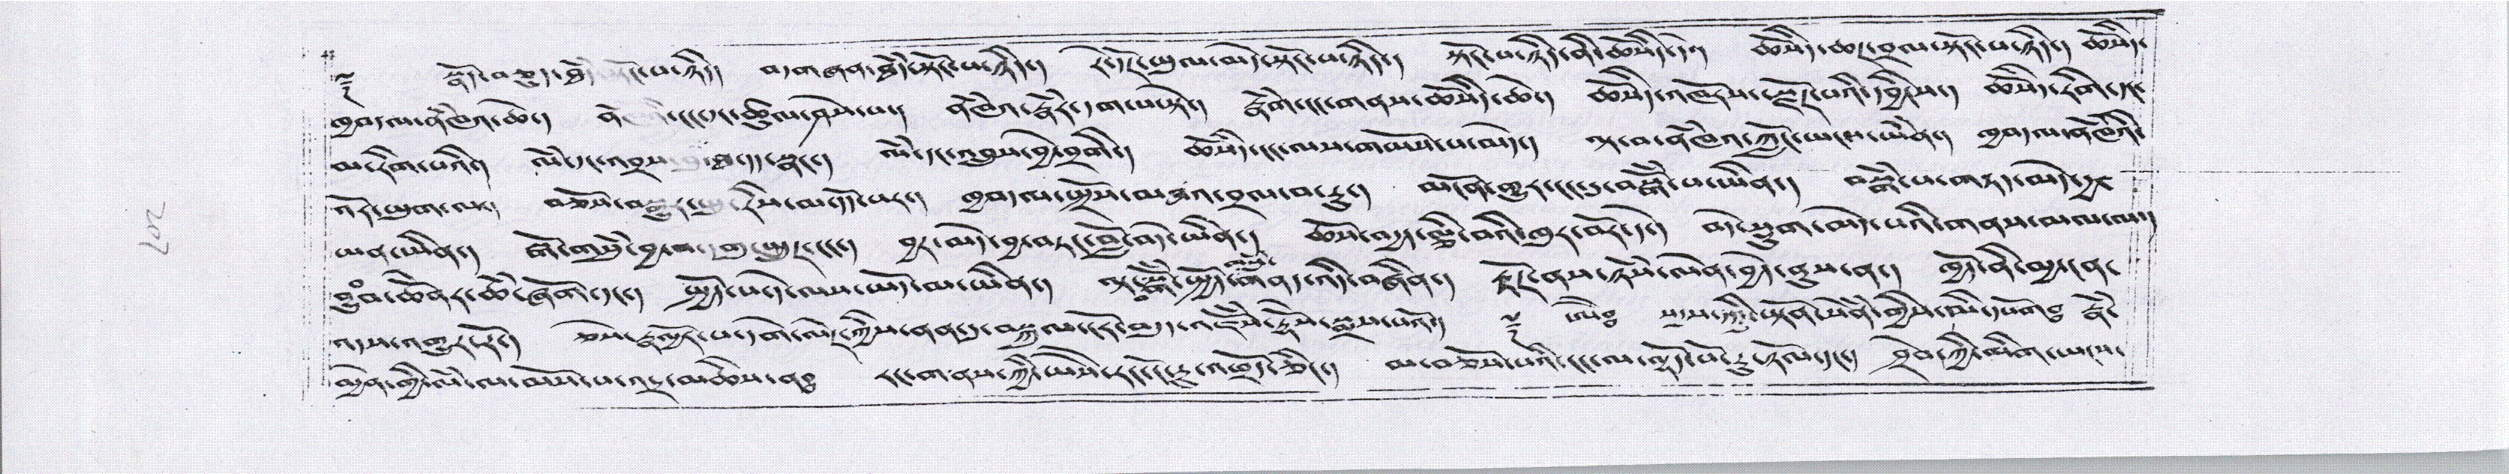༄༅།། སྣོད་བཅུད་ཐམས་ཅད་སྟོང་པ་ཉིད། བདག་གཞན་ཐམས་ཅད་སྟོང་པ་ཉིད། རེ་དྭོགས་ཡུལ་མེད་སྟོང་པ་ཉིད། སྟོང་པ་ཉིད་ནི་ཆོས་ཉིད་དེ། ཆོས་ཉིད་ཆགས་བྲལ་སྟོང་པ་ཉིད། ཆོས་ཉིད་
ཁྱབ་བདལ་ནམ་མཁའ་ཆེ། ནམ་མཁའི་ངང་དང་ཚུལ་ཤེས་པས། ནམ་མཁའ་རྣམ་པར་དག་པ་སྟེ། རྣམ་དག་ངང་གནས་ཆོས་ཉིད་ཆེ། ཆོས་ཉིད་འཁོར་འདས་རྫོགས་པའི་དབྱིངས། ཆོས་ཉིད་རིག་དང་
མ་རིག་པའི། ལམ་དང་འབྲས་བུ་ཐ་དད་སྣང་། ལམ་དང་འབྲས་བུ་བྱེ་བྲག་གི ཆོས་ཉིད་ངང་ལས་གཡོས་པ་མེད། ལྟ་བ་ནམ་མཁའ་ཀློང་ཡངས་ཡིན། ཁྱབ་བདལ་ནམ་མཁའི་
ཁོར་ཡུག་ལ། བཅོས་སྒྱུར་སྤུ་རིས་མ་དོད་པར། ཁྱབ་བདལ་སྤྲོས་མཐའ་བྲལ་བ་རུ། མངོན་གྱུར་ངང་དུ་བསྒོམ་པ་ཡིན། བསྒོམ་པ་གཏད་མེད་རྒྱ་
ཡན་ཡིན། སྒོ་གསུམ་བྱ་བ་དགུ་སྤྲུགས་ངང་། བྱར་མེད་བྱ་བཏང་བློ་བདེ་ཡིན། ཆོས་བརྒྱད་ལྕི་བའི་ཁུར་བོར་དེ། བདེ་སྡུག་མེད་པའི་གནས་མལ་ལ། 
བྱང་ཆུབ་ཆེན་པོར་ཆམ་ཞོག་དང་། སྤྱོད་པ་དེ་ལས་ཡོད་མ་ཡིན། ལྟ་སྒོམ་སྤྱོད་གསུམ་གནད་འདི་བཞིན། རྟོགས་ནས་ཉམས་ལེན་བྱེད་ནུས་ན། ཁྱོད་ནི་མྱ་ངན་
འདས་འགྱུར་རོ། ཅེས་རྣལ་འབྱོར་བ་དགེ་ལེགས་ཀྱིས་ནན་གྱིས་བསྐུར་ངོར་བདུད་འཇོམས་རྗོ་རྗེས་སྨྲས་པའོ། །༄༅།། ཨེ་མ། སངས་རྒྱས་ཀྱི་ཡོན་ཏན་སེམས་ཅན་གྱིས་མི་དཔོགཿ རྣམ་
མཁྱེན་གྱི་ལམ་ལ་མོས་པ་འདྲ་མཆིས་ནཿ རང་གནས་ཀྱི་ཡེ་ཤེས་རང་ངོ་རུ་འཕྲོད་ཅིངཿ མ་བཅོས་པའི་ངང་ལ་ལྷོད་པོ་རུ་ཉོལ་དངཿ ཤེས་རབ་ཀྱི་མིག་ཡངས་